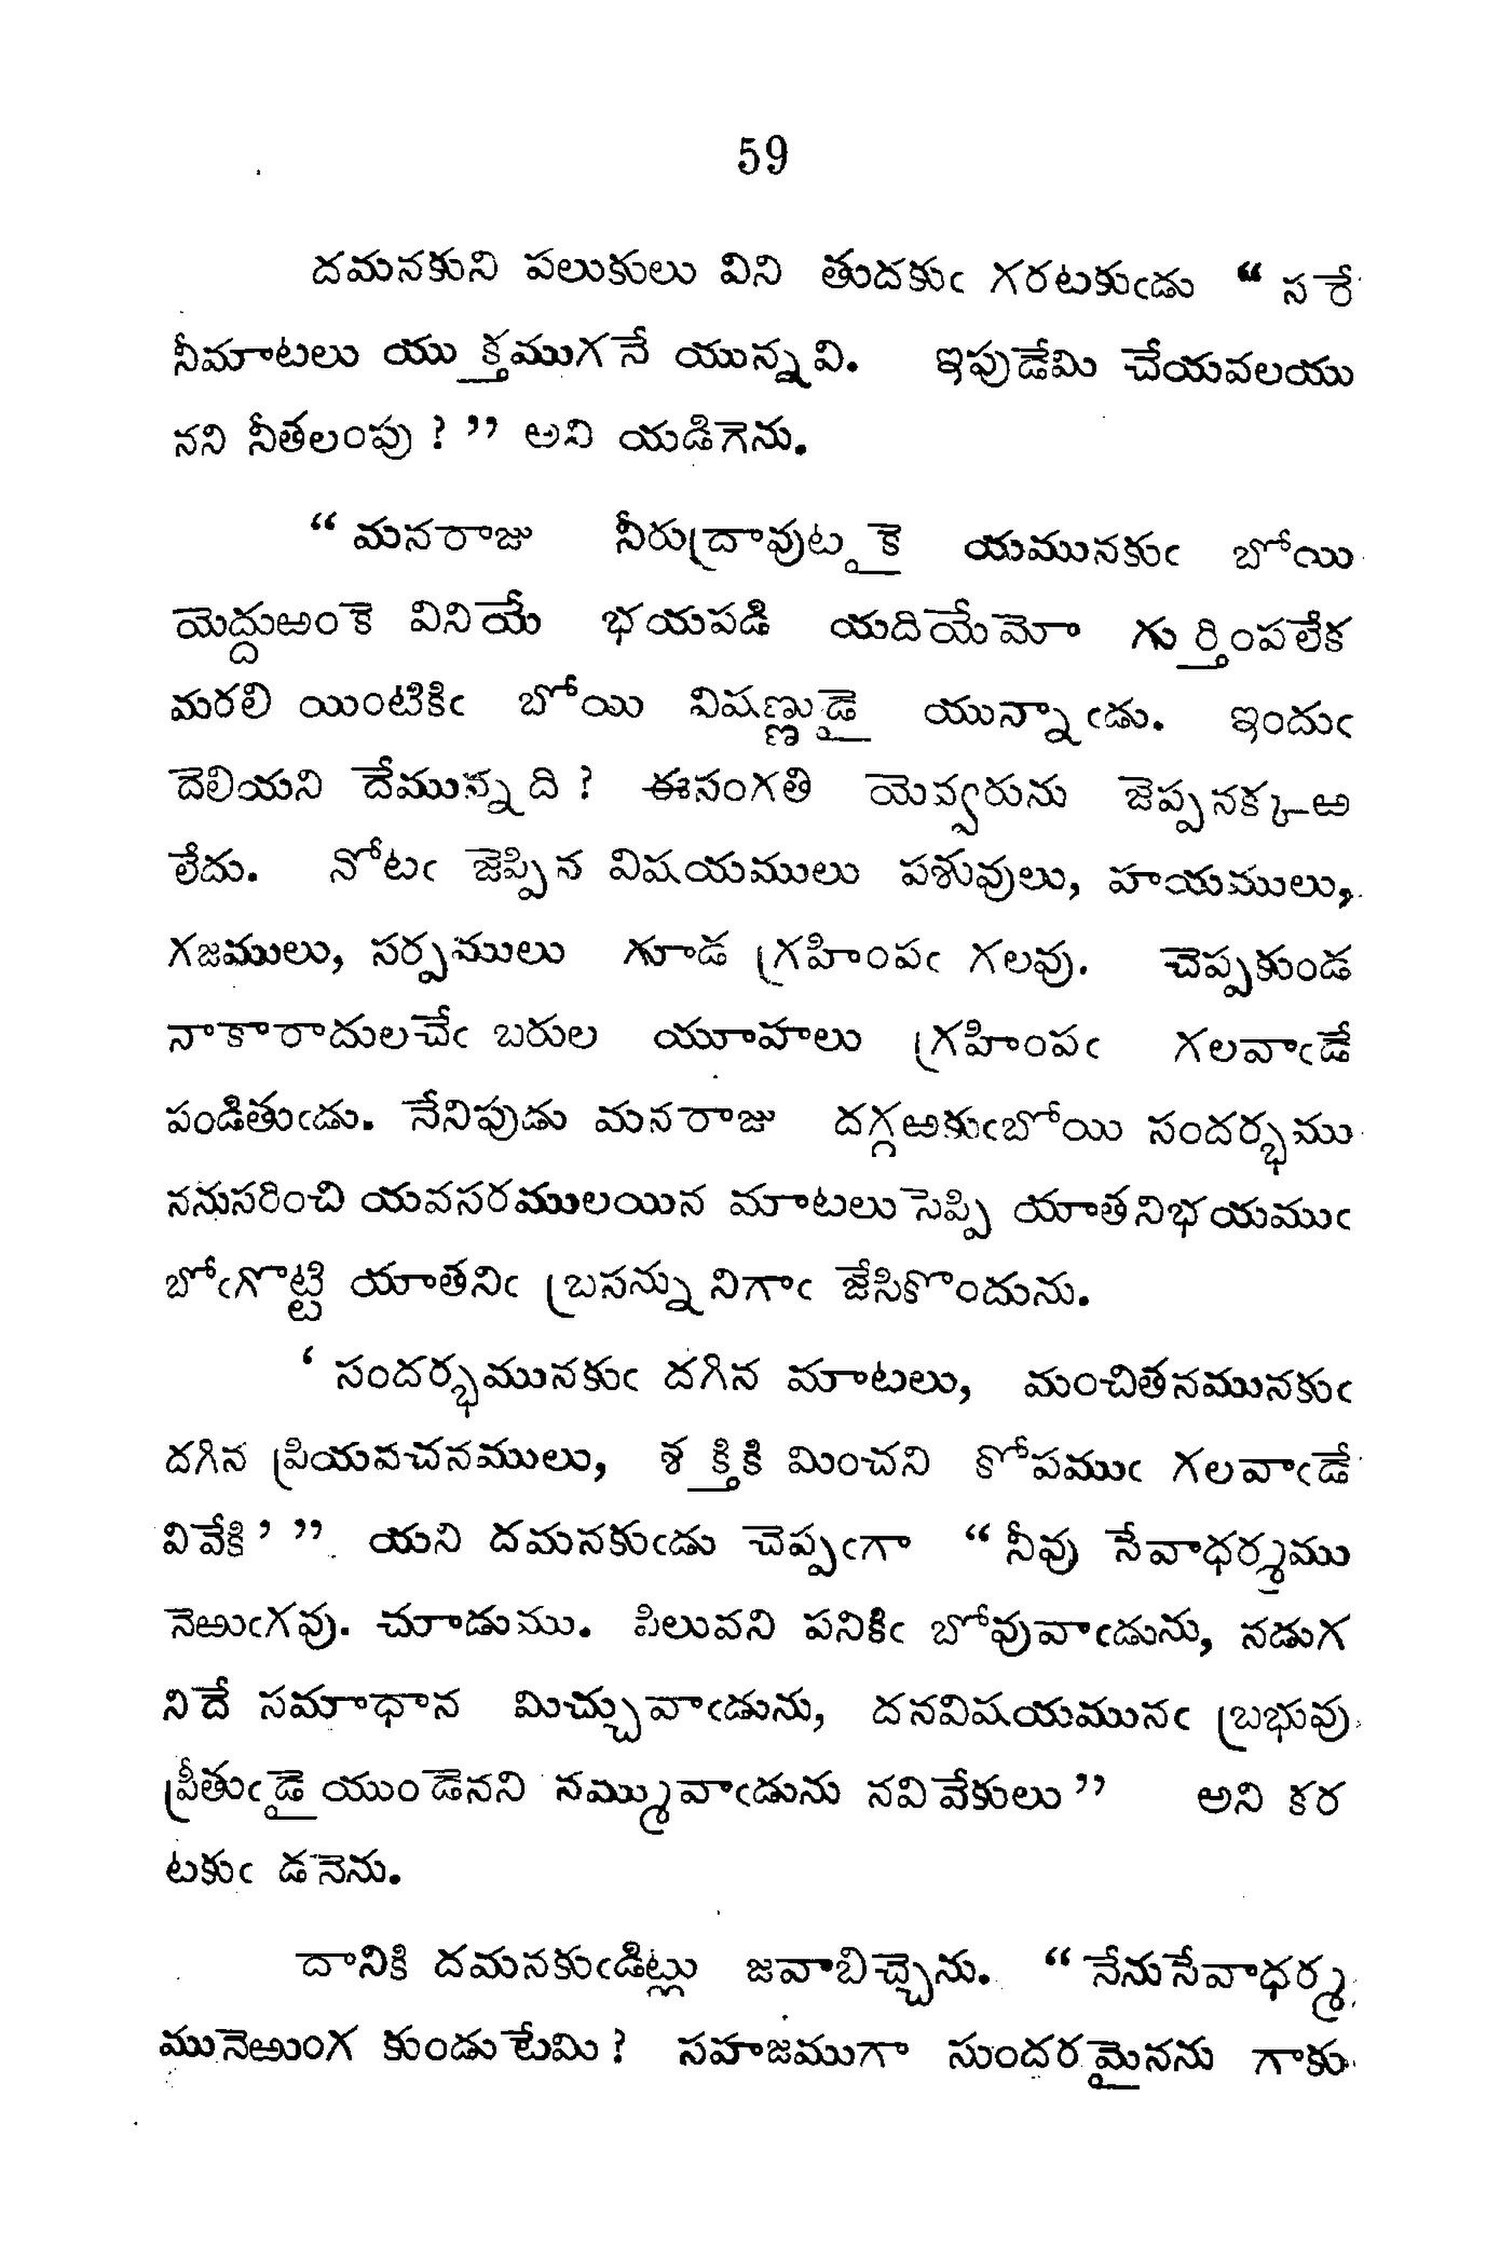దమనకుని పలుకులు విని తుదకు గరటకుడు "సరే నీమాటలు యుక్తముగనే యున్నవి. ఇపుడేమి చేయవలయు నని నీతలంపు?" అని యడిగెను. 

"మనరాజు నీరుద్రావుటకై యమునకు బోయి యెద్దుఱంకె వినియే భయపడి యదియేమో గుర్తింపలేక మరలి యింటికి బోయి విషణ్ణుడై యున్నాడు. ఇందు దెలియని దేమున్నది? ఈసంగతి యెవ్వరును జెప్పనక్కఱ లేదు. నోట జెప్పిన విషయములు పశువులు, హయములు, గజములు, సర్పములు గూడ గ్రహింప గలవు. చెప్పకుండ నాకారాదులచే బరుల యూహలు గ్రహింప గలవాడే పండితుడు. నేనిపుడు మనరాజు దగ్గఱకుబోయి సందర్భము ననుసరించి యవసరములయిన మాటలు సెప్పి యాతనిభయము బోగొట్టి యాతని బ్రసన్నునిగా జేసికొందును.

"సందర్భమునకు దగిన మాటలు, మంచితనమునకు దగిన ప్రియవచనములు, శక్తికి మించని కోపము గలవాడే వివేకి" యని దమనకుడు చెప్పగా "నీవు సేవాధర్మము నెఱుగవు. చూడుము. పిలువని పనికి బోవువాడును, నడుగనిదే సమాధాన మిచ్చువాడును, దనవిషయమున బ్రభువు ప్రీతుడై యుండెనని నమ్మువాడును నవివేకులు" అని కరటకు డనెను.

దానికి దమనకుడిట్లు జవాబిచ్చెను. "నేనుసేవాధర్మమునెఱుంగ కుండుటేమి? సహజముగా సుందరమైనను గాకు